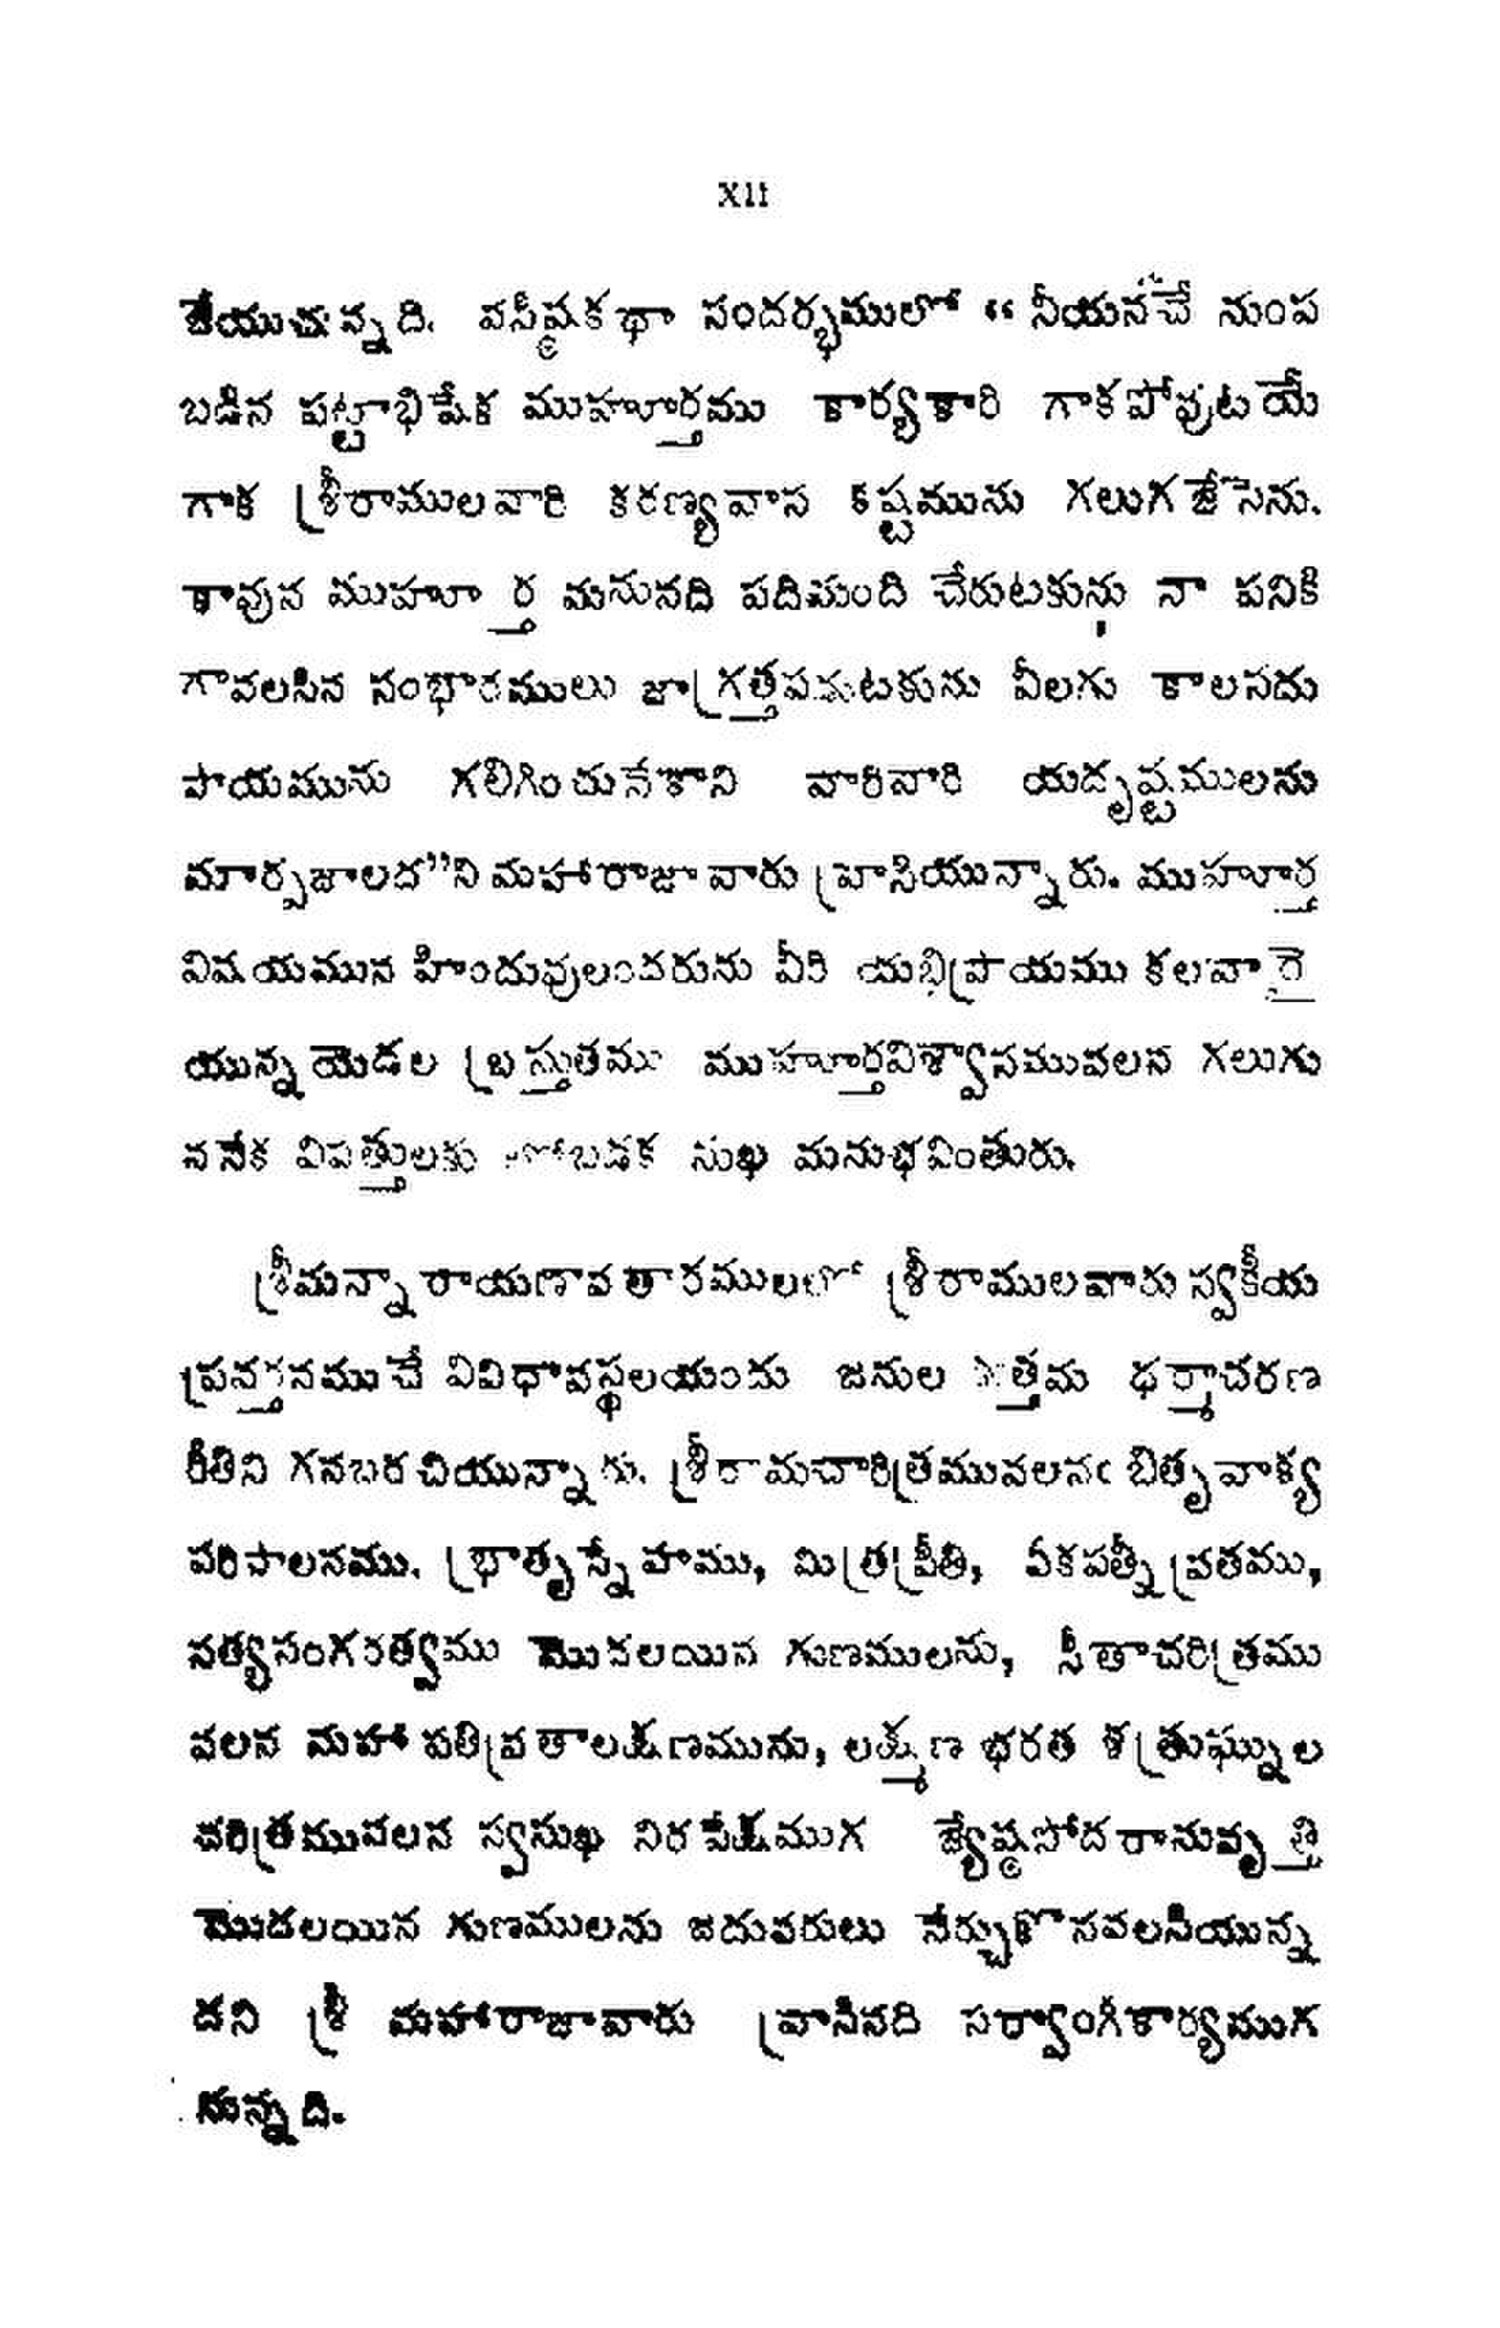జేయుచున్నది. వసిష్ఠకథా సందర్భములో "నీయనచే నుంప బడిన పట్టాభిషేక ముహూర్తము కార్యకారి గాకపోవుటయే గాక శ్రీరాములవారి కరణ్యవాస కష్టమును గలుగజేసెను. కావున ముహూర్త మనునది పదిమంది చేరుటకును నా పనికి గావలసిన సంభారములు జాగ్రత్తపడుటకును వీలగు కాలసదు
పాయమును గలిగించునేకాని వారివారి యదృష్టములను మార్పజాలద”ని మహారాజావారు వ్రాసియున్నారు. ముహూర్త విషయమున హిందువులందరును వీరి యభిప్రాయము కలవారై
యున్నయెడల బ్రస్తుతము ముహూర్తవిశ్వాసమువలన గలుగు ననేక విపత్తులకు లోబడక సుఖ మనుభవింతురు.

శ్రీమన్నారాయణావతారములలో శ్రీరాములవారు స్వకీయ ప్రవర్తనముచే వివిధావస్థలయందు జనుల కుత్తమ ధర్మాచరణ రీతిని గనబరచియున్నారు. శ్రీరామచారిత్రమువలనఁ బితృవాక్య పరిపాలనము, భ్రాతృస్నేహము, మిత్రప్రీతి, ఏకపత్నీవ్రతము, సత్యసంగరత్వము మొదలయిన గుణములను, సీతాచరిత్రము వలన మహా పతివ్రతాలక్షణమును, లక్ష్మణ భరత శత్రుఘ్నుల చరిత్రమువలన స్వసుఖ నిరపేక్షముగ జ్యేష్ఠసోదరానువృత్తి మొదలయిన గుణములను జదువరులు నేర్చుకొనవలసి యున్నదని శ్రీ మహారాజావారు వ్రాసినది సర్వాంగీకార్యముగ నున్నది.